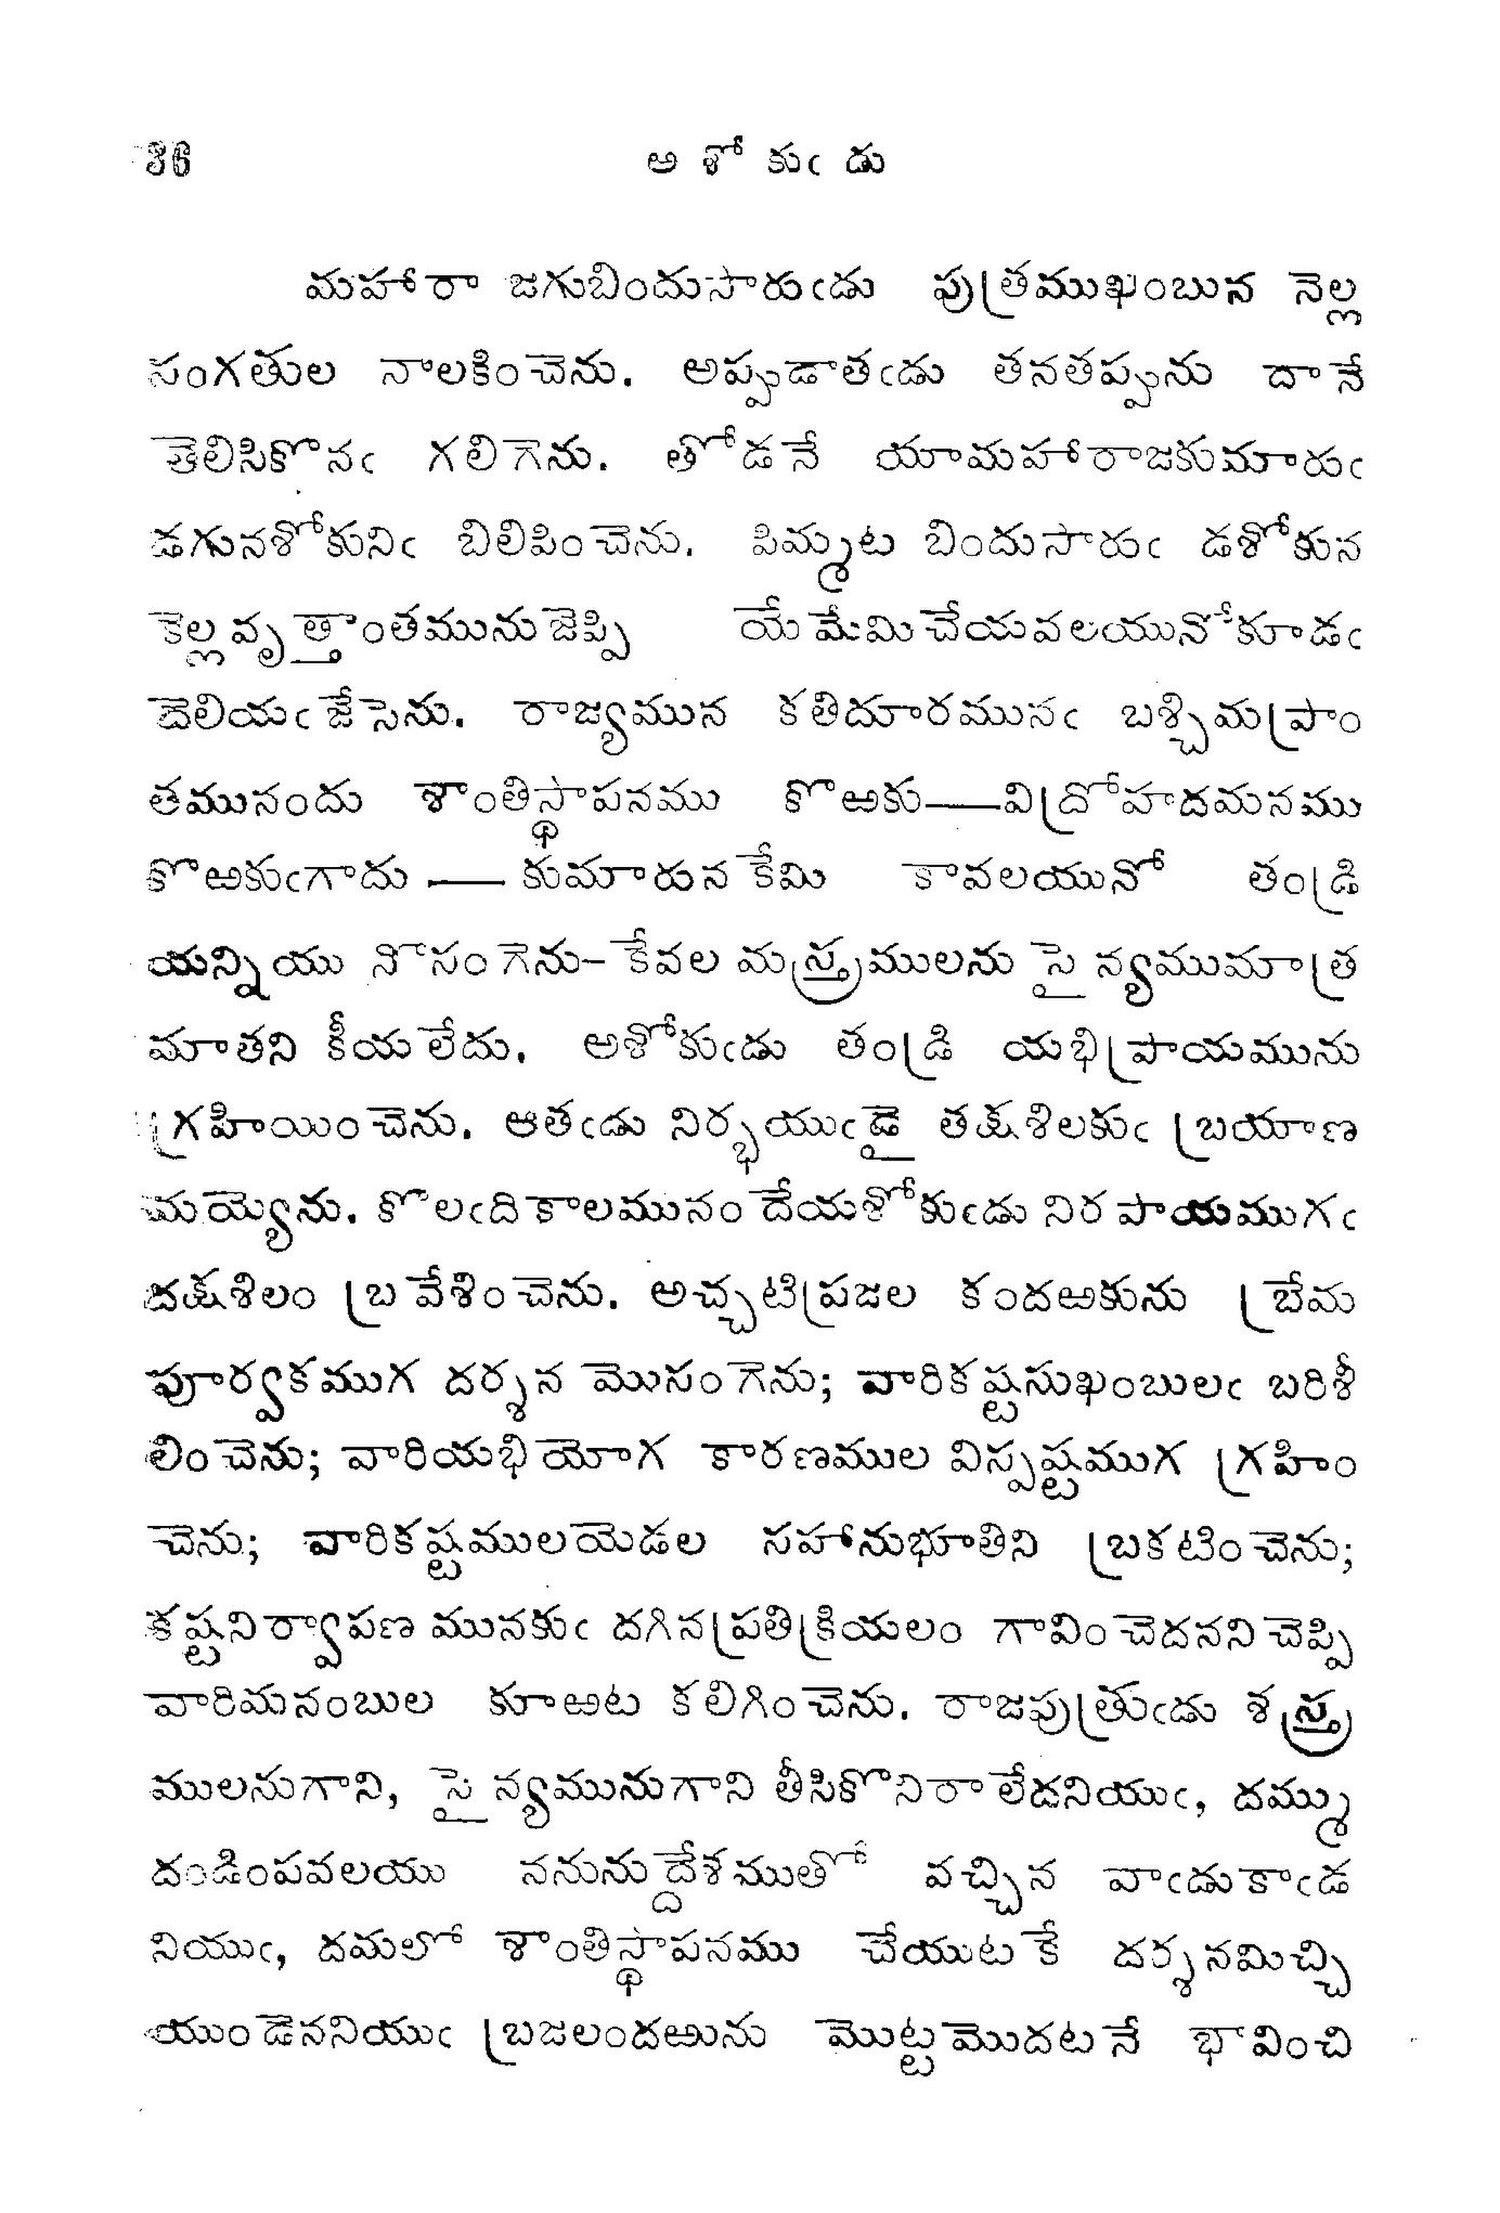మహారా జగుబిందుసారుఁడు పుత్రముఖంబున నెల్ల సంగతుల నాలకిం చెను. అప్పుడాతఁడు తనతప్పును దా నే తెలిసికొనఁ గలిగెను. తోడనే యామహా రాజకుమారుఁ
డగునశోకునిఁ బిలిపించెను. పిమ్మట బిందుసారుఁ డశోకున కెల్ల వృత్తాంతమును జెప్పి
యేమేమి చేయవలయునో కూడఁ దెలియఁజేసెను. రాజ్యమున కతిదూరమునఁ బశ్చిమ ప్రాం
తమునందు శాంతి స్థాపనము కొఱకు—విద్రోహదమనము కొఱకుఁగాదు—— కుమారున కేమి కావలయునో తండ్రి యన్నియు నోసంగెను-- కేవల మస్త్రములను సైన్యముమాత్ర మాతని కీయ లేదు. అశోకుఁడు తండ్రి యభిప్రాయమును గ్రహియిం చెను. ఆతఁడు నిర్భయుఁడై తక్షశిలకుఁ బ్రయాణమయ్యెను. కొలఁదికాలమునం దేయనోకుఁడు నిరపాయముగఁ దక్షశిలం బ్రవేశించెను. అచ్చటి ప్రజల కందఱకును బ్రేమ పూర్వకముగ దర్శన మొసంగెను; వారికష్టసుఖంబులఁ బరిశీలించెను; వారియభియోగ కారణముల విస్పష్టముగ గ్రహించెను; వారికష్టములయెడల సహానుభూతిని బ్రకటించెను; కష్టని ర్వాపణమునకుఁ దగిన ప్రతి క్రియలం గావించెదనని చెప్పి వారిమనంబుల కూఱట కలిగిం చెను. రాజపుత్రుఁడు శస్త్ర
ములనుగాని, సైన్యమునుగాని తీసికొని రాలేదనియుఁ, దమ్ము దండింపవలయు ననును ద్దేశముతో వచ్చిన వాఁడు కాఁడనియుఁ, దమలో శాంతి స్థాపనము చేయుటకే దర్శనమిచ్చి
యుండెననియుఁ బ్రజలందఱును మొట్ట మొదటనే భావించి